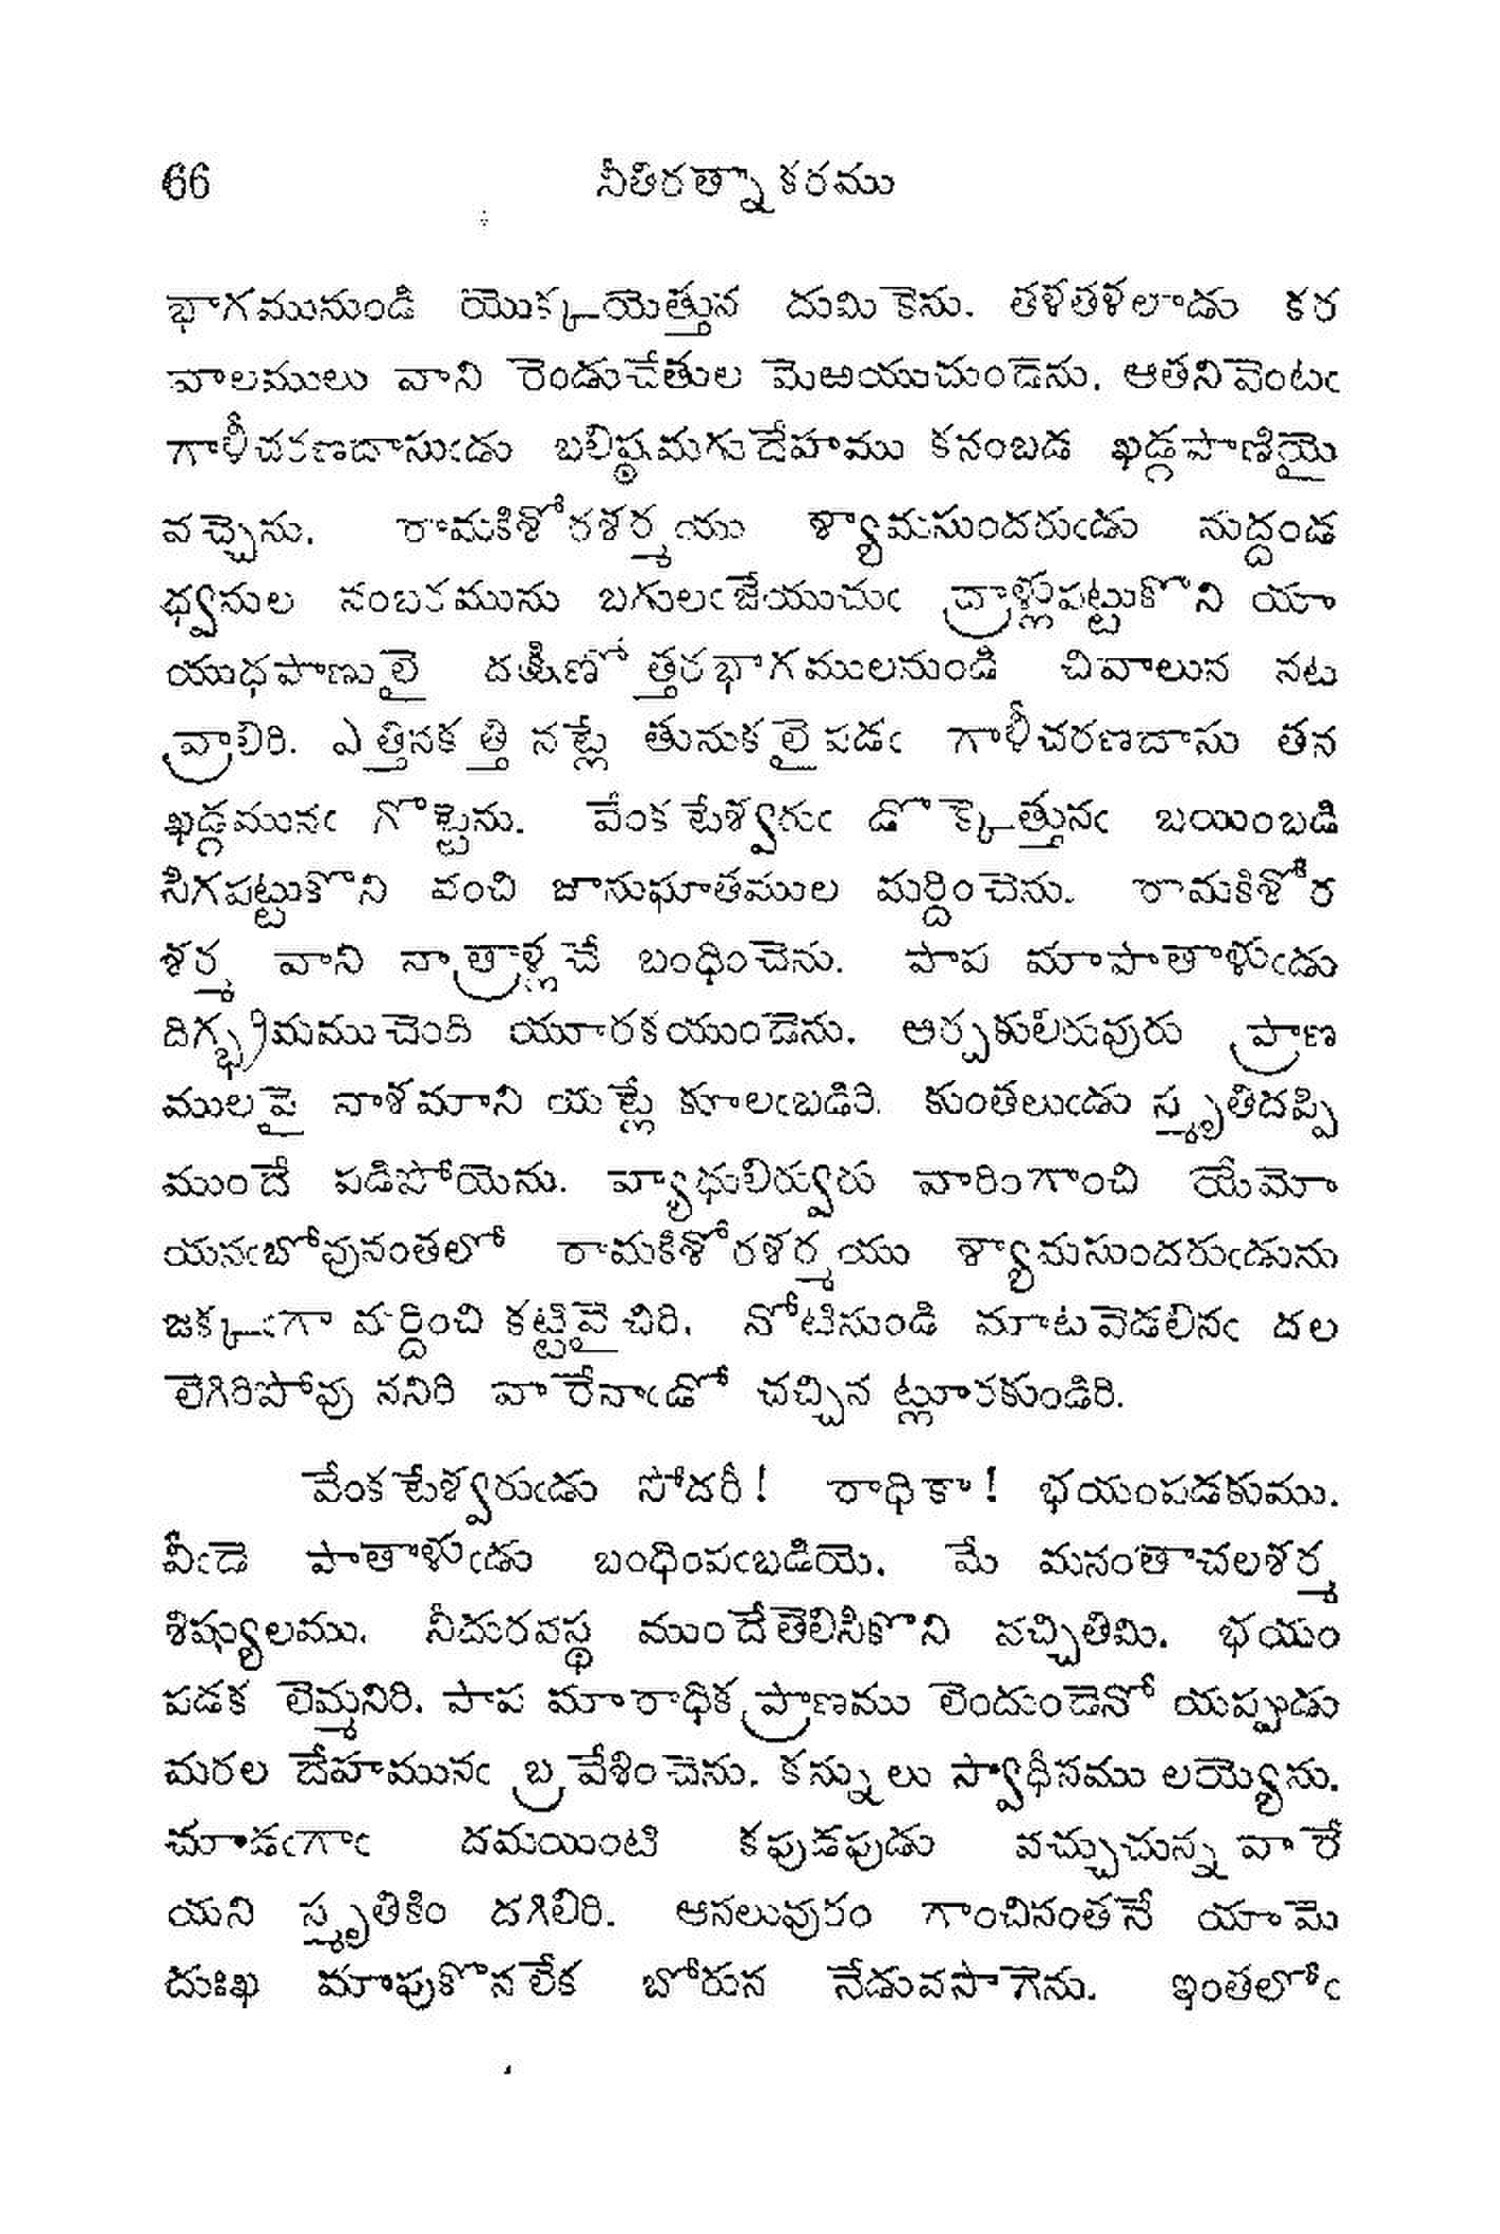భాగమునుండి యొక్కయెత్తున దుమి కెను. తళతళలాడు కర వాలములు వాని రెండు చేతుల మెఱయుచుండెను. అతని వెంటఁ గాళీ చరణదాసుఁడు బలిష్ఠమగుదేహము కనంబడ ఖడ్గపాణియై వచ్చెను. రామకిశోరశర్మయు శ్యామసుందరుఁడు నుద్దండ ధ్వనుల నంబకమును బగులఁ జేయుచుఁ ద్రాళ్ళు పట్టుకొని యాయుధపాణులై దక్షిణోత్తరభాగములనుండి చివాలున నట వ్రాలిరి. ఎత్తినకత్తి నట్లే తునుక లై పడఁ గాళీచరణదాసు తన ఖడ్గమునఁ గొట్టెను. వేంకటేశ్వరుఁ డొక్కెతునఁ బయింబడి సిగపట్టుకొని వంచి జానుఘాతముల మర్దించెను. రామకిశోర శర్మ వాని నా తాళ్లచే బంధించెను. పాప మాపాతాళుఁడు దిగ్బ్రమము చెంది యూరకయుండెను. అర్చకులిరువురు ప్రాణములపై నాశమాని యట్లే కూలబడిరి. కుంతలుఁడు స్మృతిదప్పి ముందే పడిపోయెను. వ్యాధులిర్వురు వారిం గాంచి యేమో యనఁబోవునంతలో రామకిశోరశర్మయు శ్యామసుందరుఁడును జక్కగా మర్ధించి కట్టివై చిరి. నోటి నుండి మాటవెడలినఁ దల లేగిరిపోవు ననిరి వారేనాఁడో చచ్చినట్లూరకుండిరి.

వేంకటేశ్వరుఁడు సోదరీ! రాధికా ! భయంపడకుము. వీఁడె పాతాళుఁడు బంధింపఁబడియె. మే మనం తాచలశర్మ శిష్యులము. నీదురవస్థ ముందే తెలిసికొని నచ్చితిమి. భయం పడక లెమ్మనిరి. పాపమా రాధిక ప్రాణము లెందుండెనో యప్పుడు మరల దేహమునఁ బ్రవేశించెను. కన్నులు స్వాధీనము లయ్యెను. చూడఁగాఁ దమయింటి కపుడపుడు వచ్చుచున్న వారే యని స్మృతికిం దగిలిరి. ఆనలువురం గాంచినంతనే యామె దుఃఖ మాపుకొనలేక బోరున నేడువసాగెను. ఇంతలోఁ